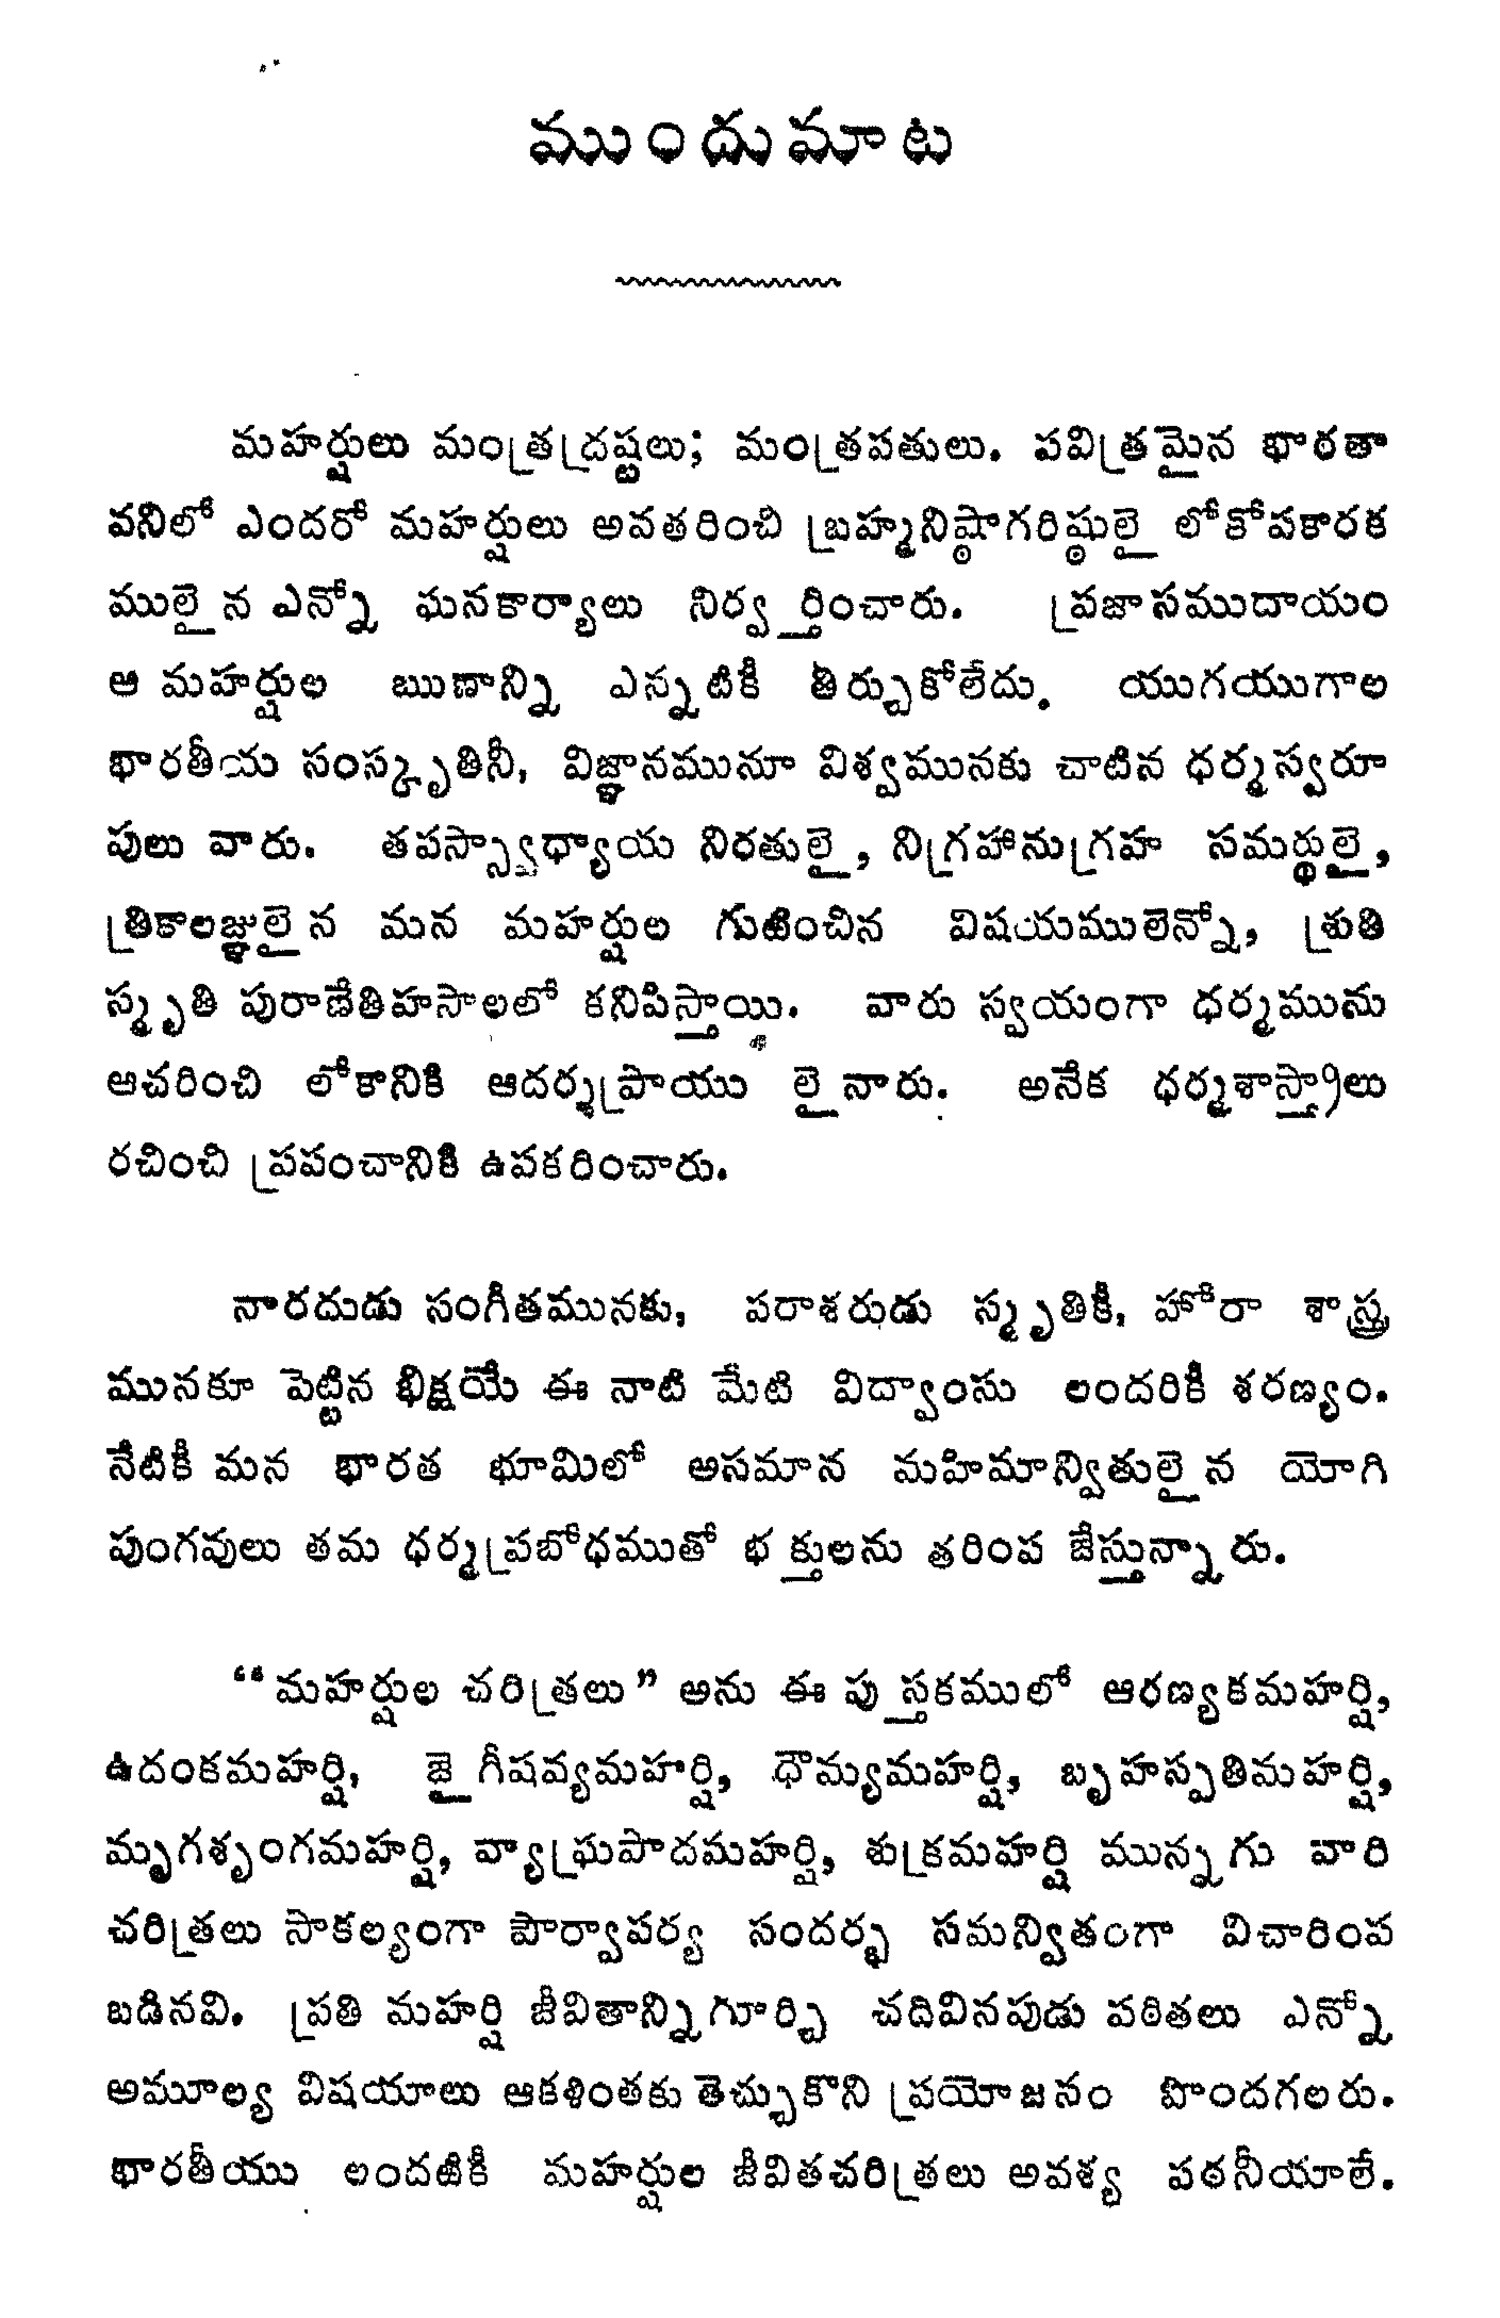ముందుమాట

మహర్షులు మంత్రద్రష్టలు; మంత్రపతులు. పవిత్రమైన భారతావనిలో ఎందరో మహర్షులు అవతరించి బ్రహ్మనిష్ఠాగరిష్ఠులై లోకోపకారకములైన ఎన్నో ఘనకార్యాలు నిర్వర్తించారు. ప్రజాసముదాయం ఆ మహర్షుల ఋణాన్ని ఎన్నటికీ తీర్చుకోలేదు. యుగయుగాల భారతీయ సంస్కృతినీ, విజ్ఞానమునూ విశ్వమునకు చాటిన ధర్మస్వరూపులు వారు. తపస్స్వాధ్యాయ నిరతులై, నిగ్రహానుగ్రహ సమర్థులై, త్రికాలజ్ఞులైన మన మహర్షుల గుఱించిన విషయములెన్నో, శ్రుతి స్మృతి పురాణేతిహసాలలో కనిపిస్తాయి. వారు స్వయంగా ధర్మమును ఆచరించి లోకానికి ఆదర్శప్రాయు లైనారు. అనేక ధర్మశాస్త్రాలు రచించి ప్రపంచానికి ఉపకరించారు.

నారదుడు సంగీతమునకు, పరాశరుడు స్మృతికీ, హోరా శాస్త్రమునకూ పెట్టిన భిక్షయే ఈ నాటి మేటి విద్వాంసు లందరికీ శరణ్యం. నేటికీ మన భారత భూమిలో అసమాన మహిమాన్వితులైన యోగి పుంగవులు తమ ధర్మ ప్రబోధముతో భక్తులను తరింప జేస్తున్నారు.

“మహర్షుల చరిత్రలు" అను ఈ పుస్తకములో ఆరణ్యకమహర్షి, ఉదంకమహర్షి, జైగీషవ్యమహర్షి, ధౌమ్యమహర్షి, బృహస్పతిమహర్షి, మృగశృంగమహర్షి, వ్యాఘ్రపాదమహర్షి, శుక్రమహర్షి మున్నగు వారి చరిత్రలు సాకల్యంగా పౌర్వాపర్య సందర్భ సమన్వితంగా విచారింపబడినవి. ప్రతి మహర్షి జీవితాన్నిగూర్చి చదివినపుడు పఠితలు ఎన్నో అమూల్య విషయాలు ఆకళింతకు తెచ్చుకొని ప్రయోజనం పొందగలరు. భారతీయు లందఱికీ మహర్షుల జీవితచరిత్రలు అవశ్య పఠనీయాలే.